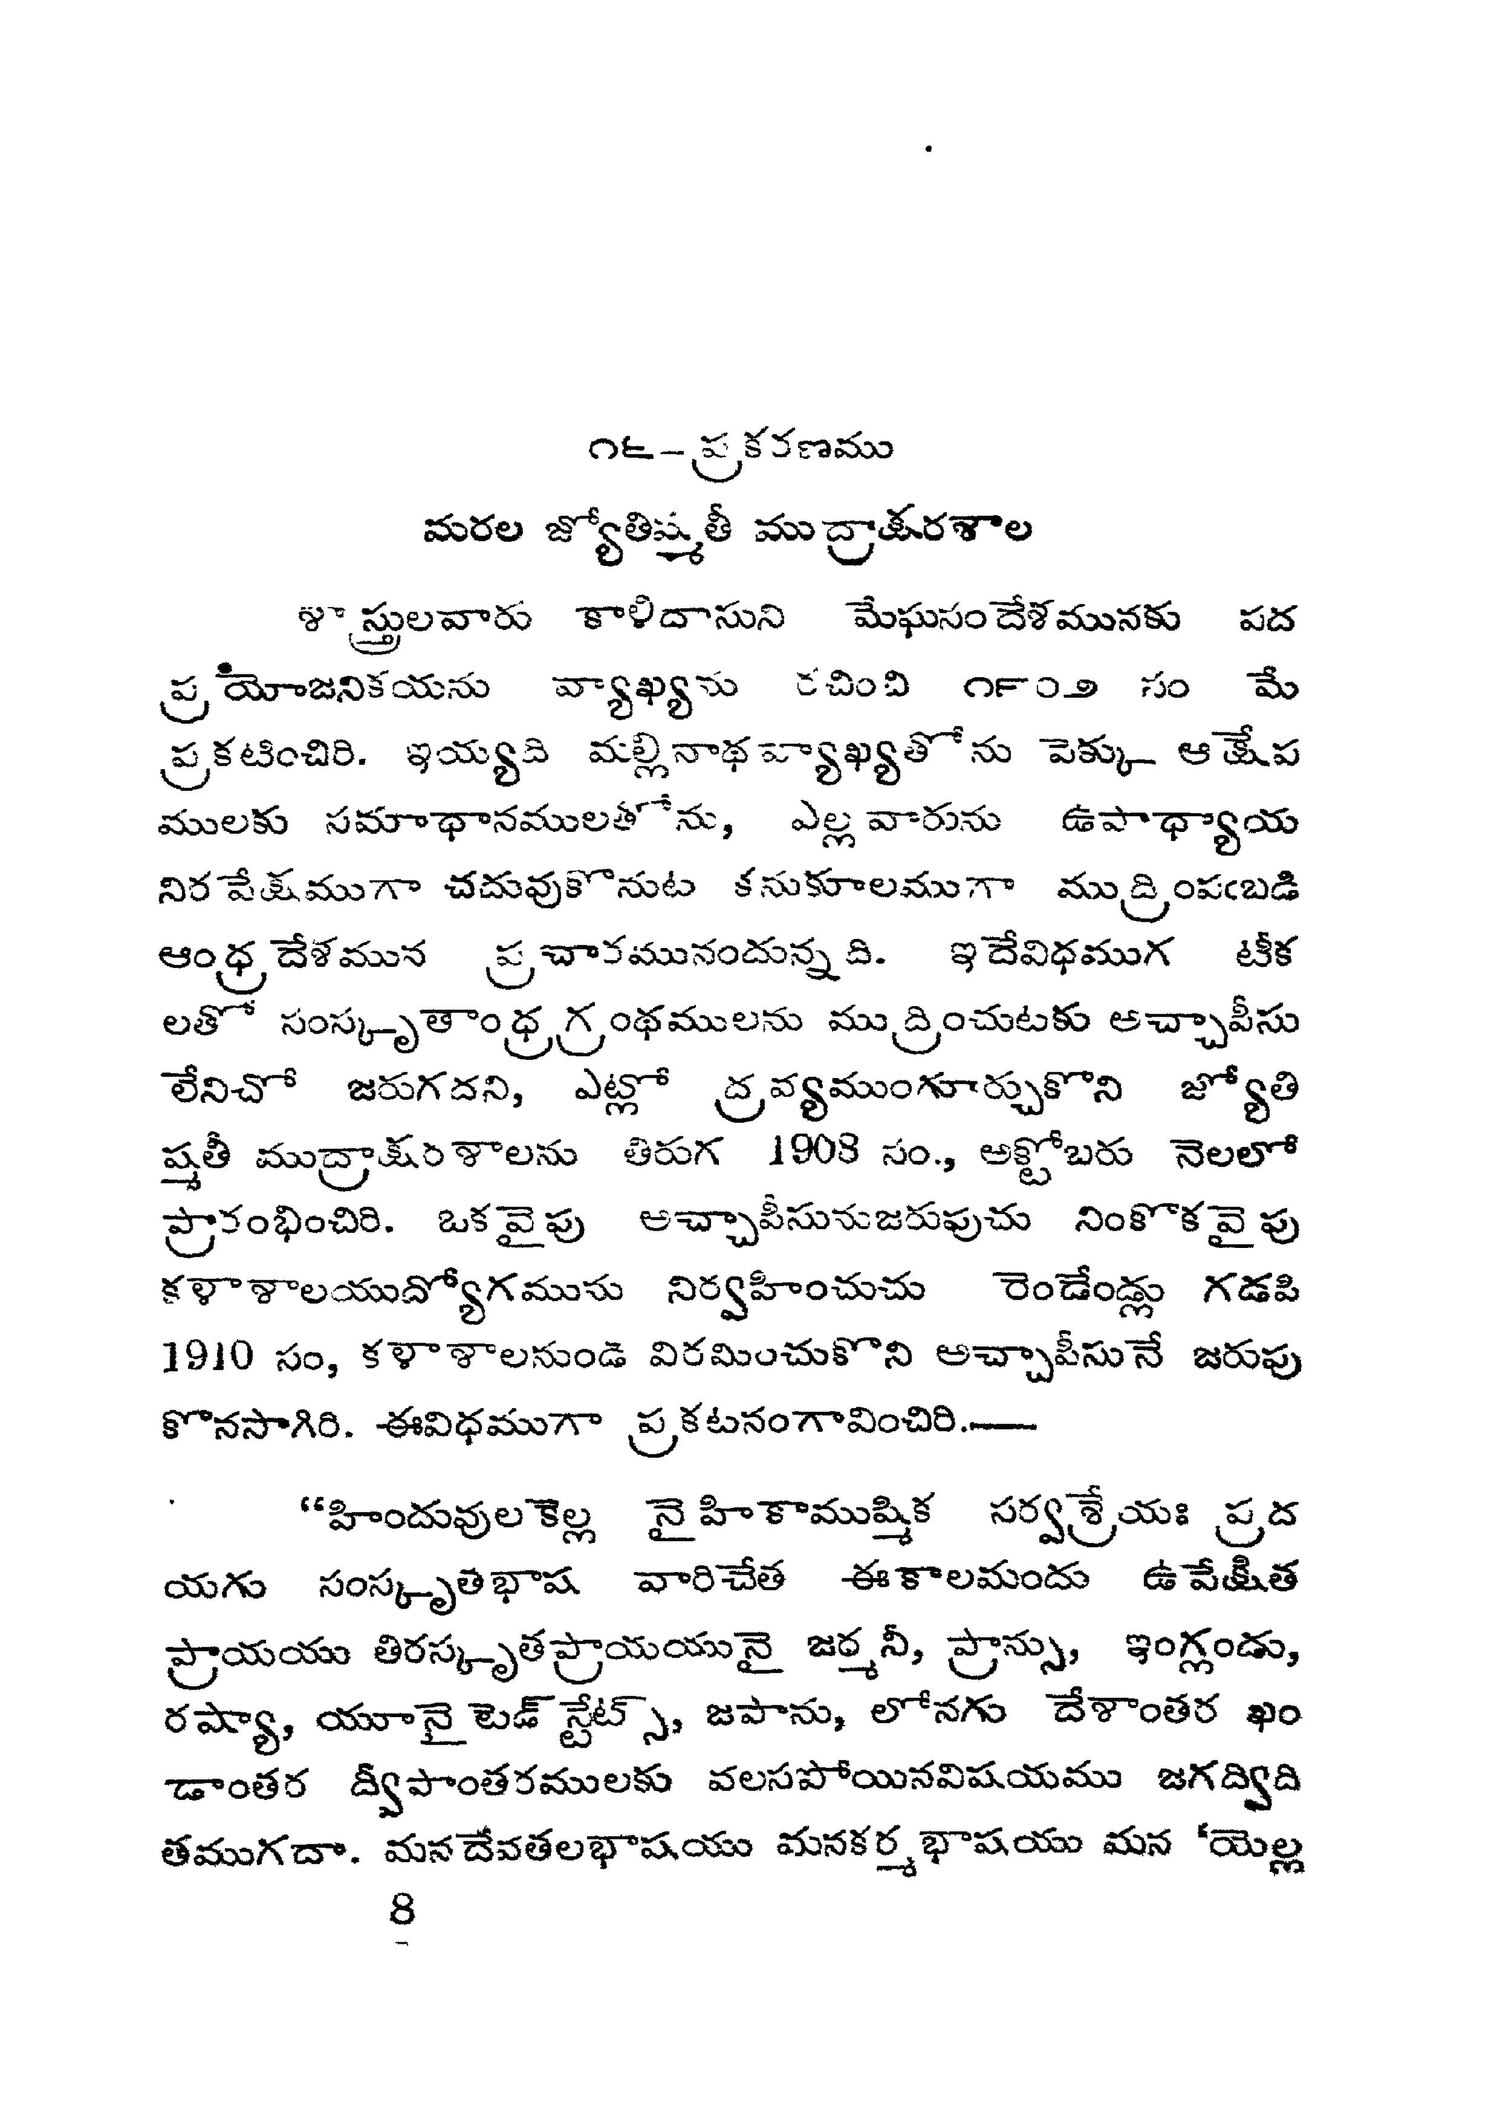శాస్త్రులవారు కాళిదాసుని మేఘసందేశమునకు పద ప్రయోజనికయను వ్యాఖ్యను రచించి 1902 సం. మే ప్రకటించిరి. ఇయ్యది మల్లినాథవ్యాఖ్యతోను పెక్కు ఆక్షేపములకు సమాధానములతోను, ఎల్లవారును ఉపాధ్యాయ నిరపేక్షముగా చదువుకొనుట కనుకూలముగా ముద్రింపబడి ఆంధ్రదేశమున ప్రచారమునందున్నది. ఇదేవిధముగా టీకలతో సంస్కృతాంధ్రగ్రంథములను ముద్రించుటకు అచ్చాపీసు లేనిచో జరుగదని, ఎట్లో ద్రవ్యముంగూర్చుకొని జ్యోతిష్మతీ ముద్రాక్షరశాలను తిరుగ 1908 సం. అక్టోబరు నెలలో ప్రారంభించిరి. ఒకవైపు అచ్చాపీసునుజరుపుచు నింకొకవైపు కళాశాలయుద్యోగమును నిర్వహించుచు రెండేండ్లు గడపి 1910 సం. కళాశాలనుండి విరమించుకొని అచ్చాపీసునే జరుపుకొనసాగిరి. ఈవిధముగా ప్రకటనంగావించిరి-

"హిందువులకెల్ల నైహికాముష్మిక సర్వశ్రేయ:ప్రదయగు సంస్కృతభాష వారిచేత ఈకాలమందు ఉపేక్షితప్రాయము తిరస్కృతప్రాయయునై జర్మనీ, ప్రాన్సు, ఇంగ్లండు, రష్యా, యునైటెడ్ స్టేట్స్, జపాను, లోనగు దేశాంతర ఖండాంతర ద్వీపాంతరములకు వలసపోయినవిషయము జగద్విదితముగదా. మనదేవతలభాషయు మనకర్మభాషయు మన 'యెల్ల